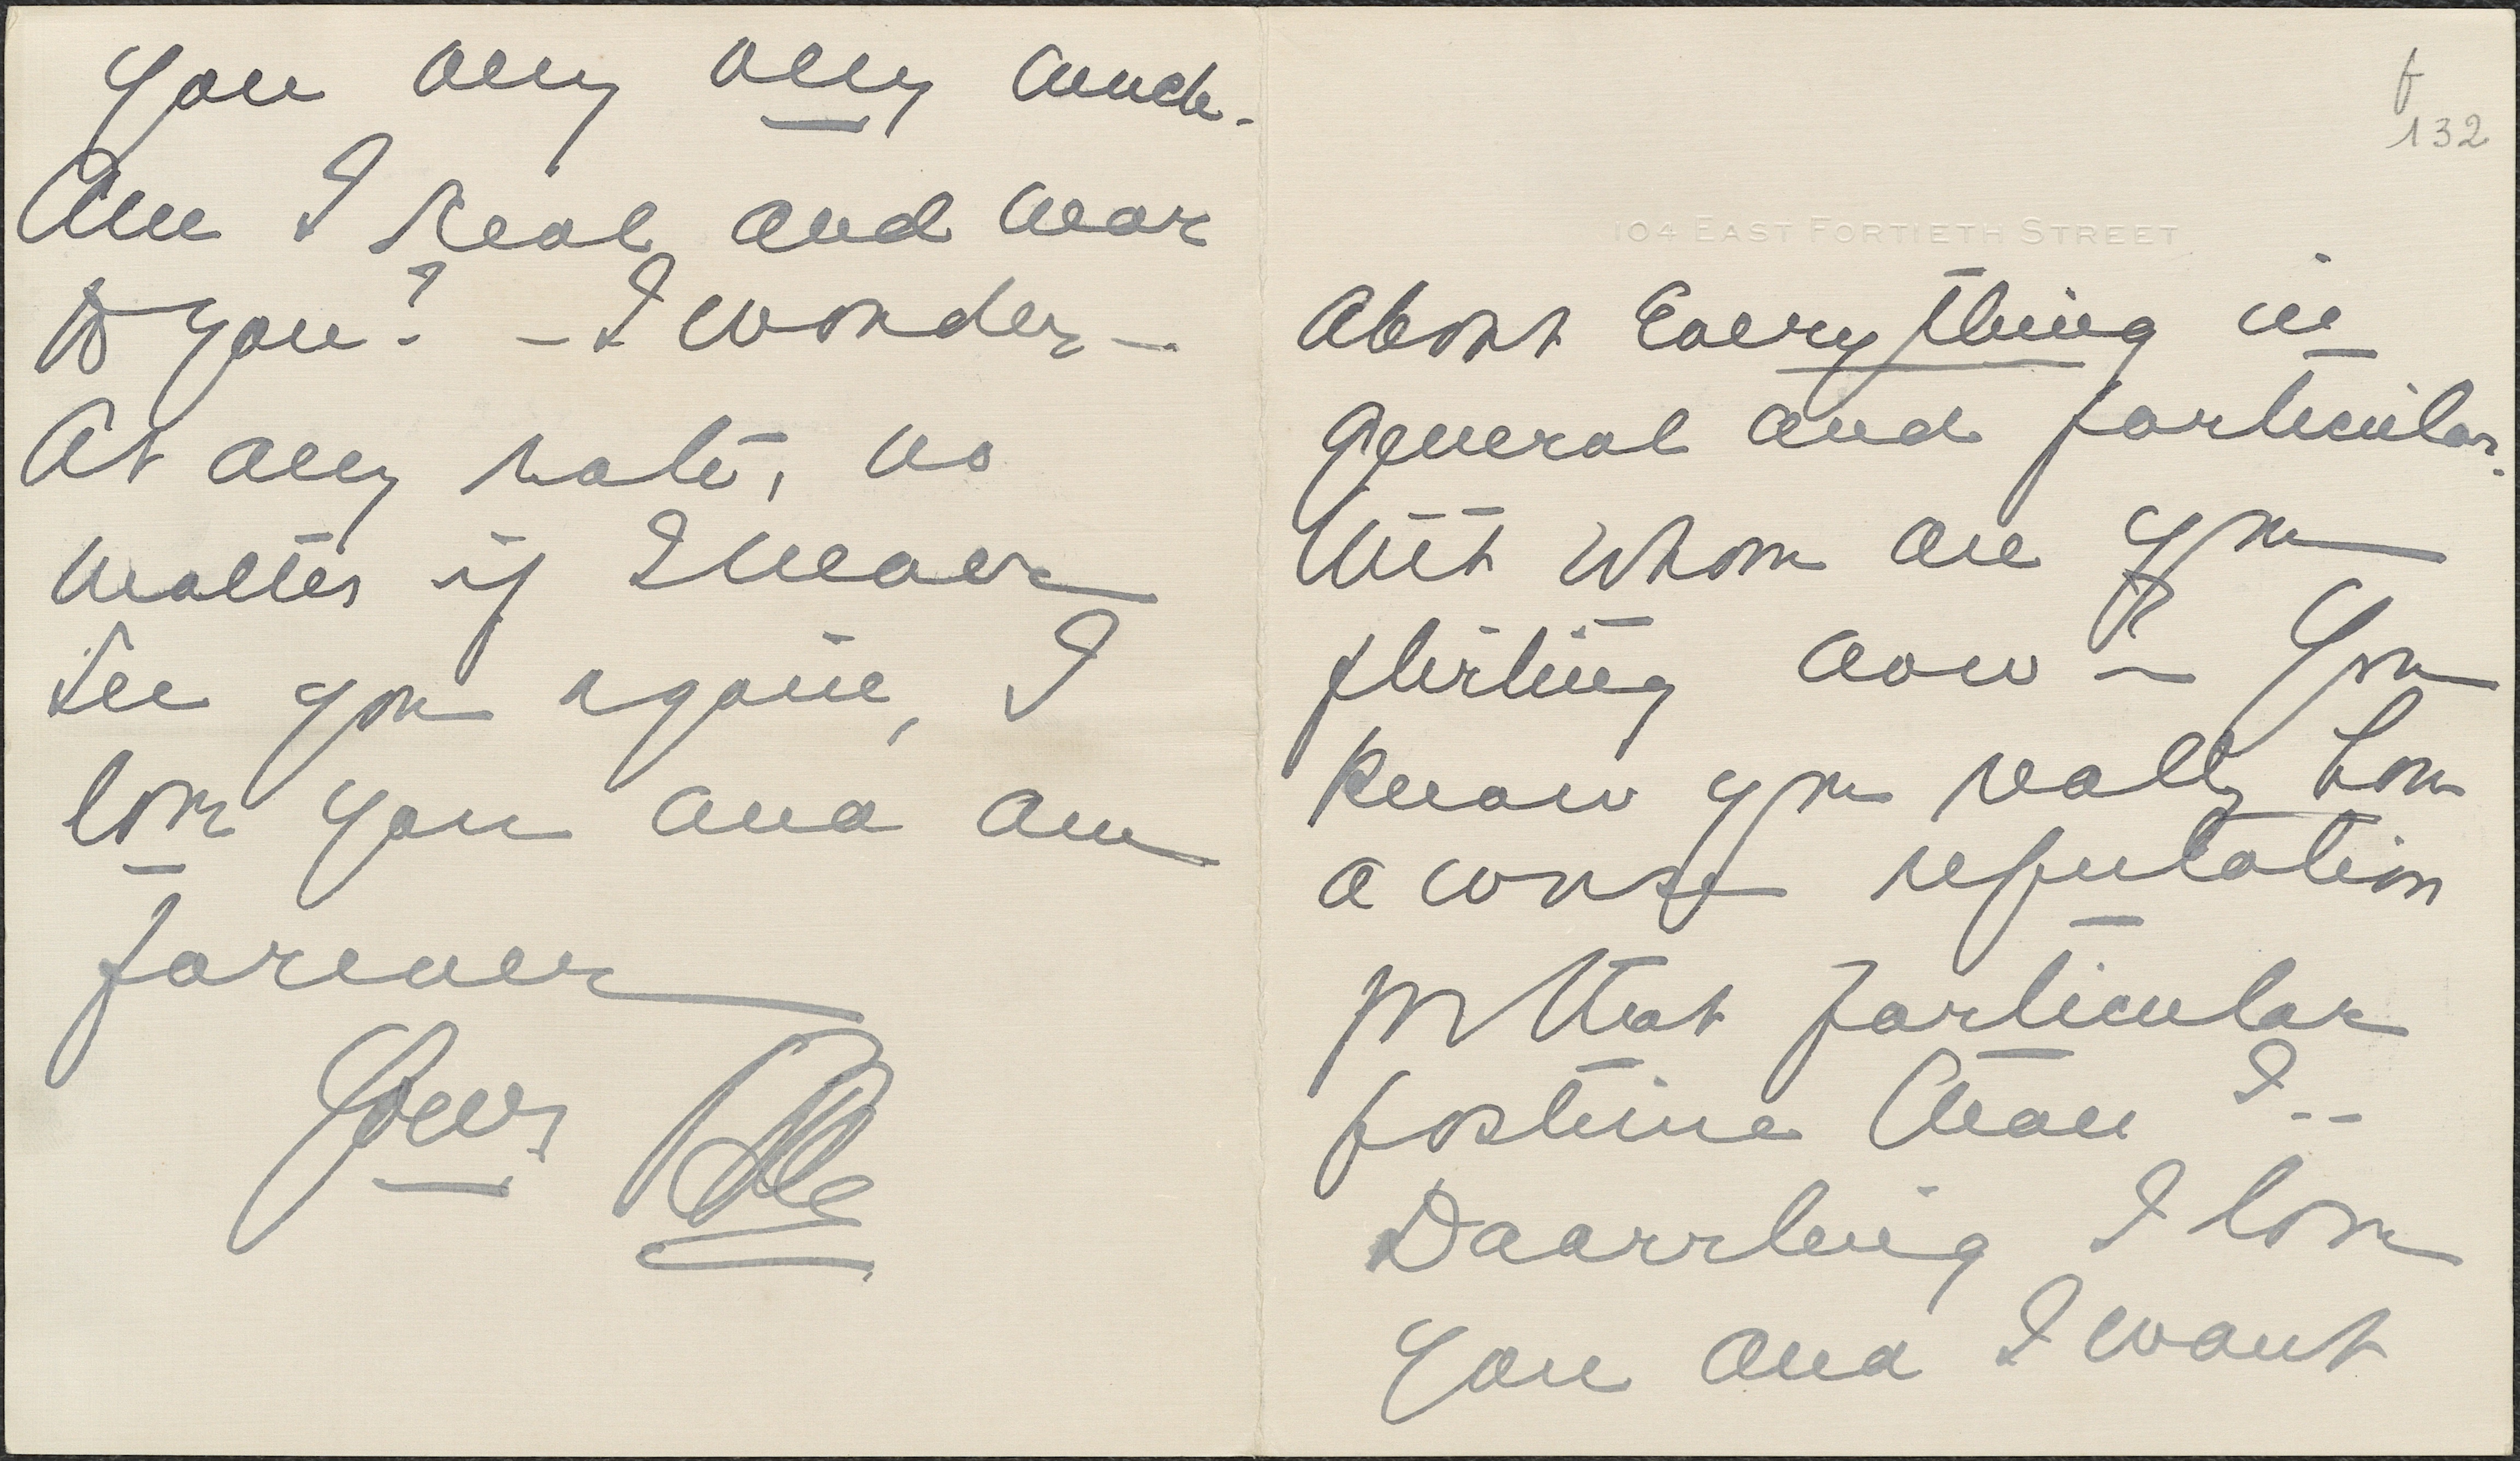about everything in general and particular. with whom are you flirting now? You know you really have a worse reputation for that particular pastime than I. – Daarrling I love you and I want
you very very much. Am I real and near to you? – I wonder – At any rate, no matter if I never see you again, I love you and am forever
Your Belle